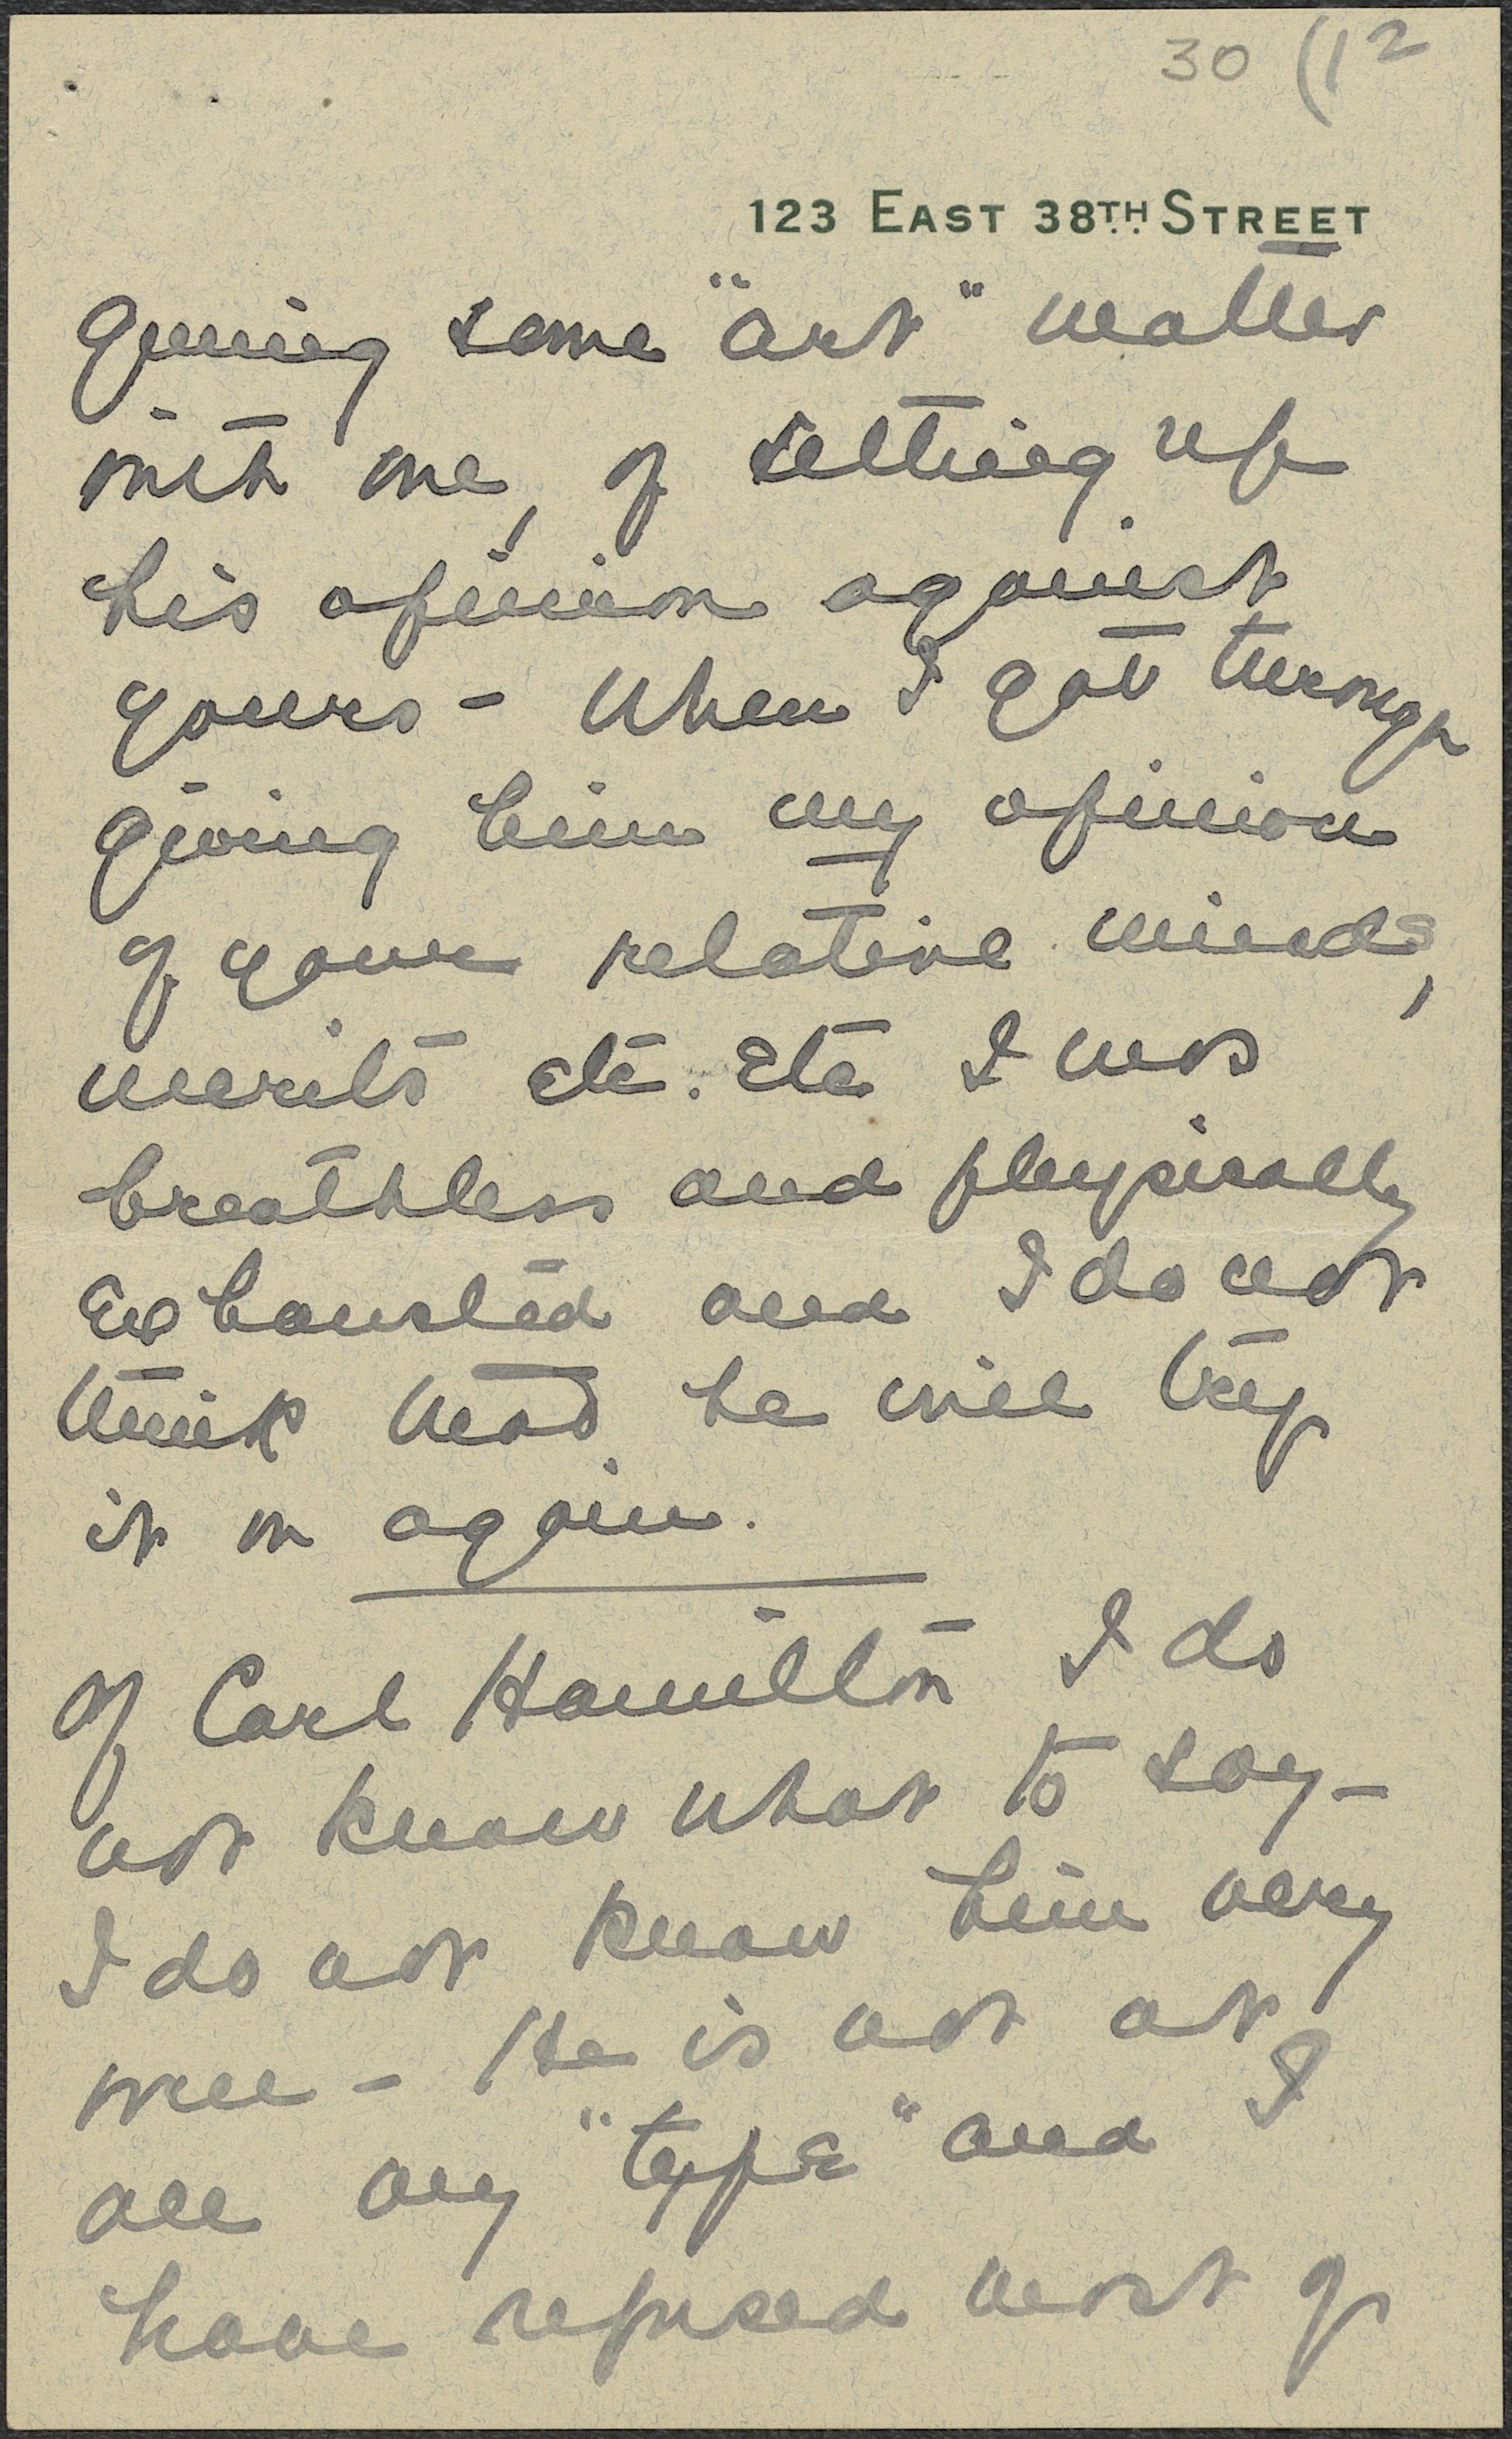some "art" matter with me, of setting up his opinion against yours – When I got through giving him my opinion of your relative minds, merits etc. etc I was breathless and physically exhausted and I do not think that he will try it on again.
Of Carl Hamilton I do not know what to say – I do not know him very well – He is not at all my "type" and I have refused most of